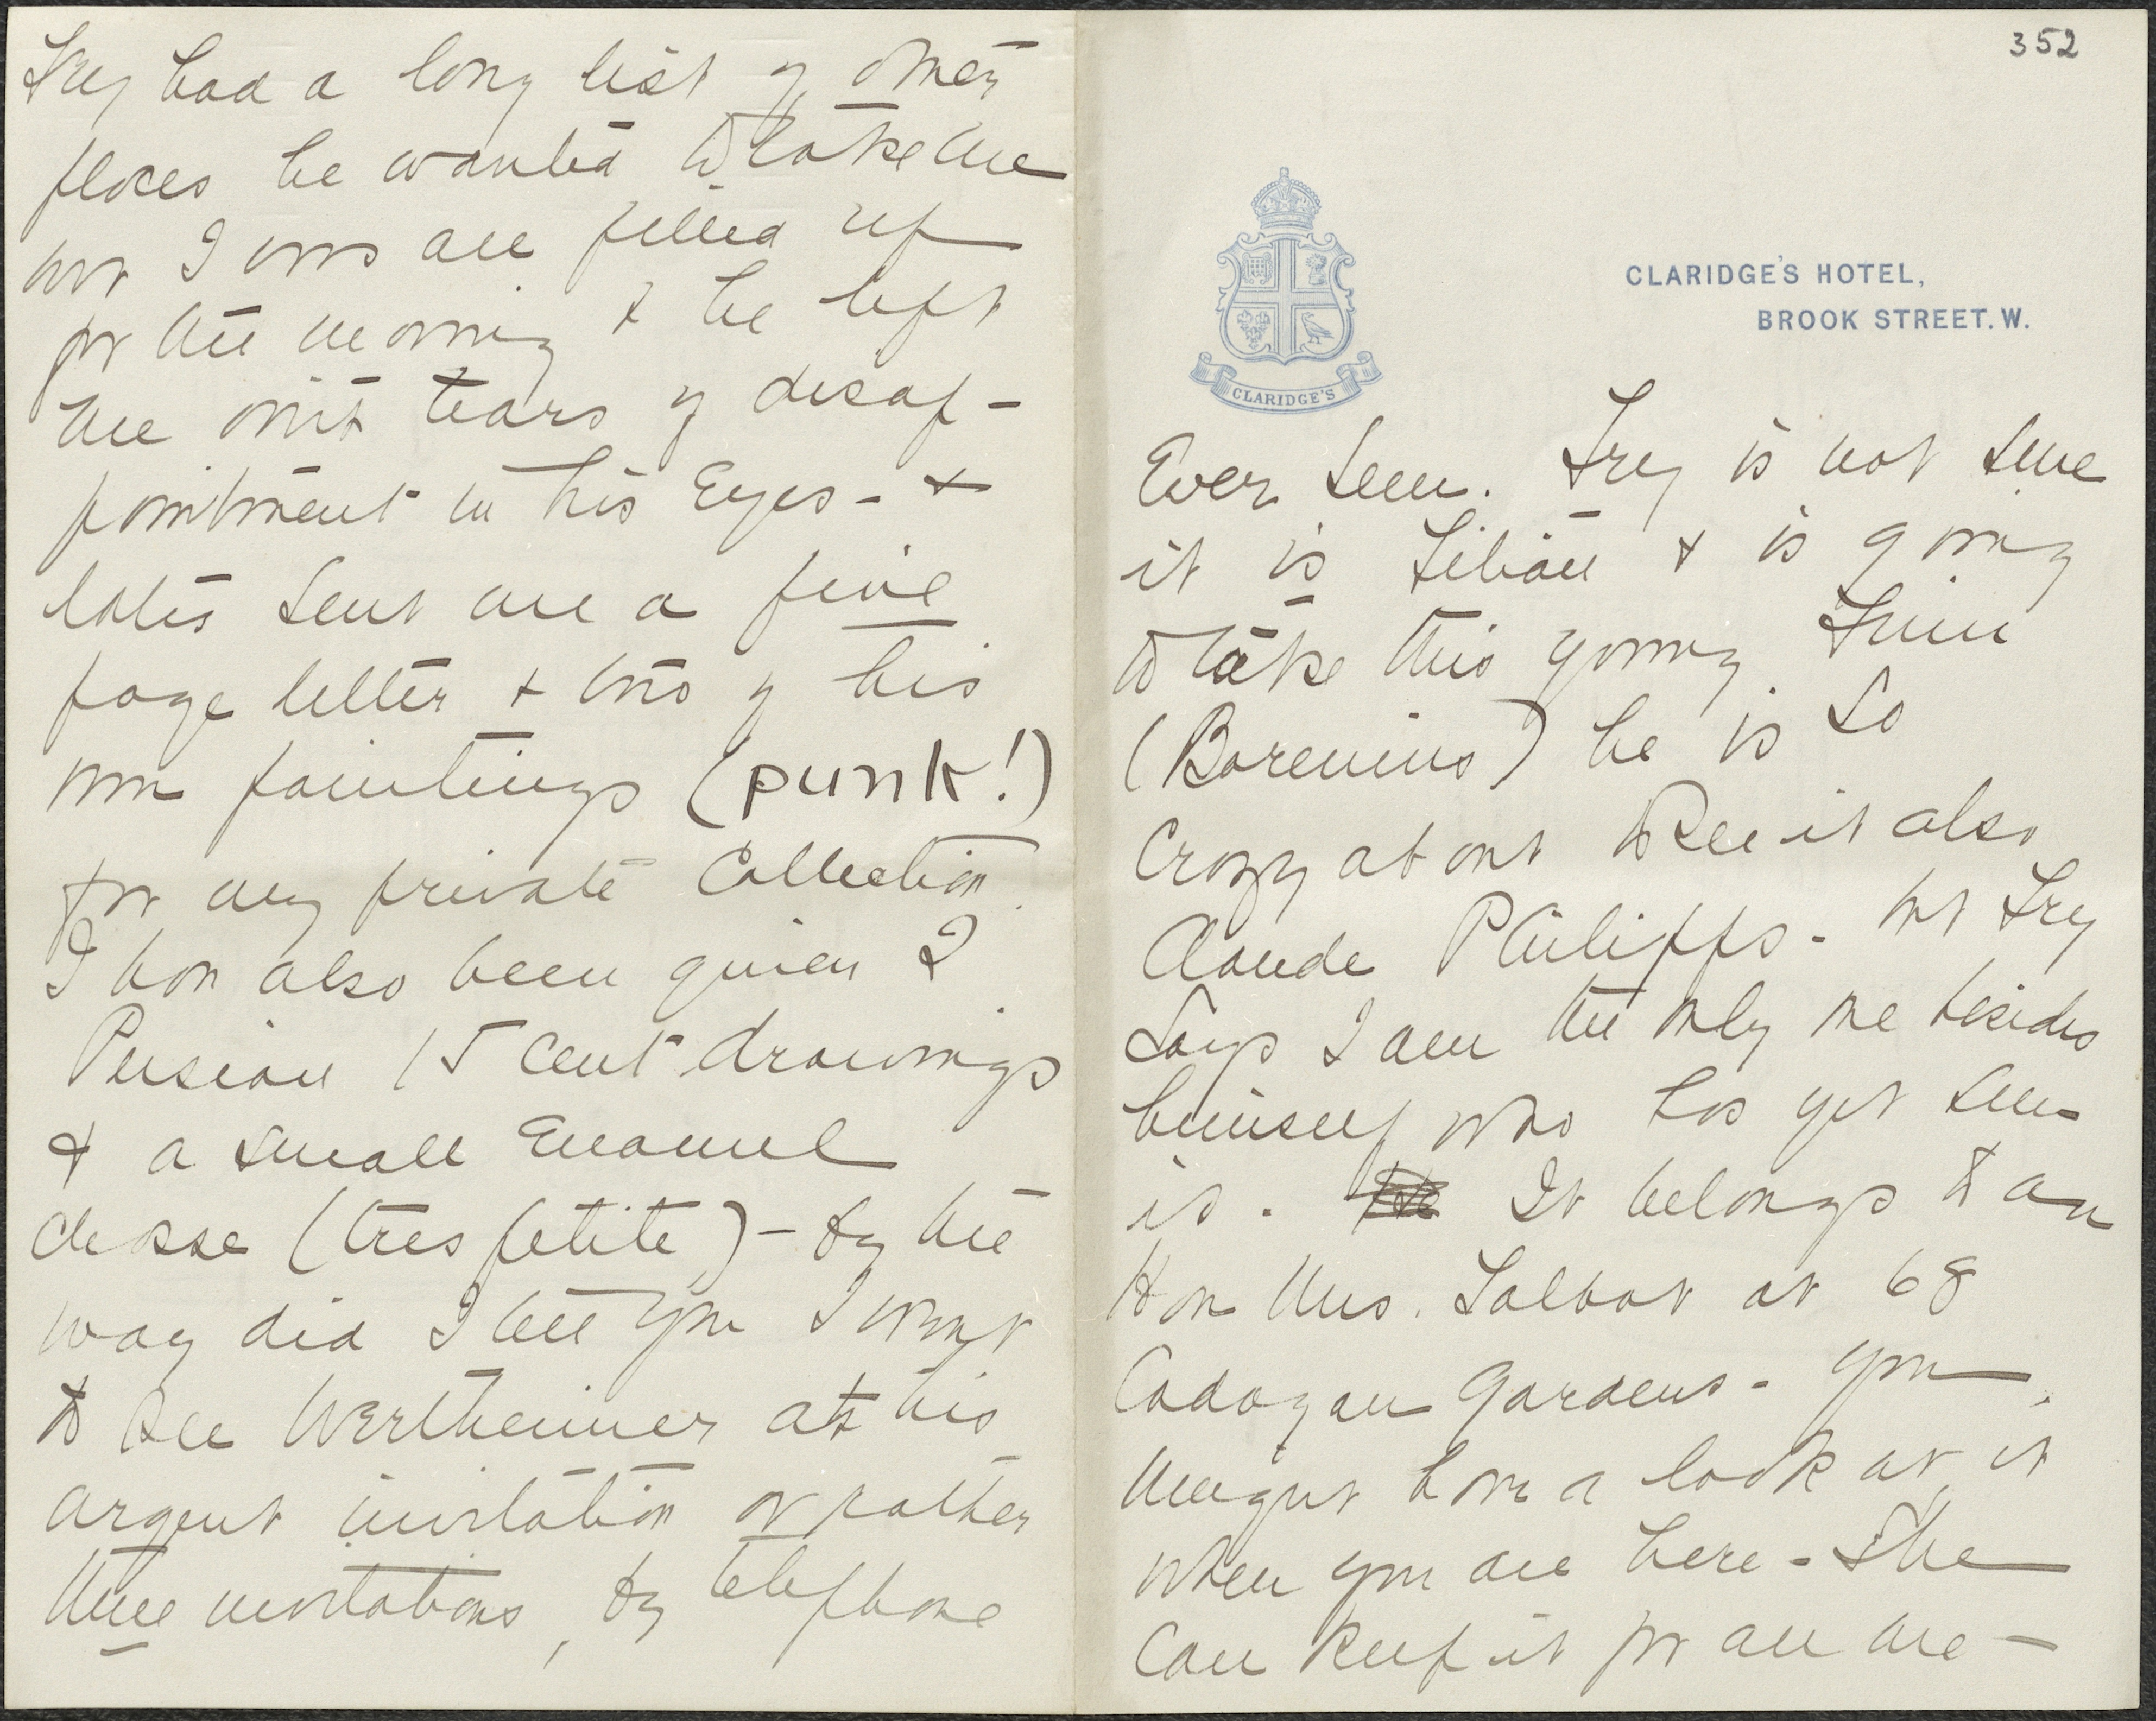ever seen. Fry is not sure it is Titian & is going to take this young Finn (Borenius) he is so crazy about to see it also Claude Philipps – but Fry says I am the only one besides himself who has yet seen it. He It belongs to an Hon Mrs. Talbot at 68 Cadogan Gardens – you might have a look at it when you are here – She can keep it for all we –
Fry had a long list of other places he wanted to take me but I was all filled up for the morning & he left me with tears of disappointment in his eyes – & later sent me a five page letter & two of his own paintings ([in secretarial script: punk]!) for my private collection. I have also been given 2 Persian 15 cent drawings & a small enamel chasse (tres petite) – by the way did I tell you I went to see Wertheimer at his urgent invitation or rather three invitations, by telephone